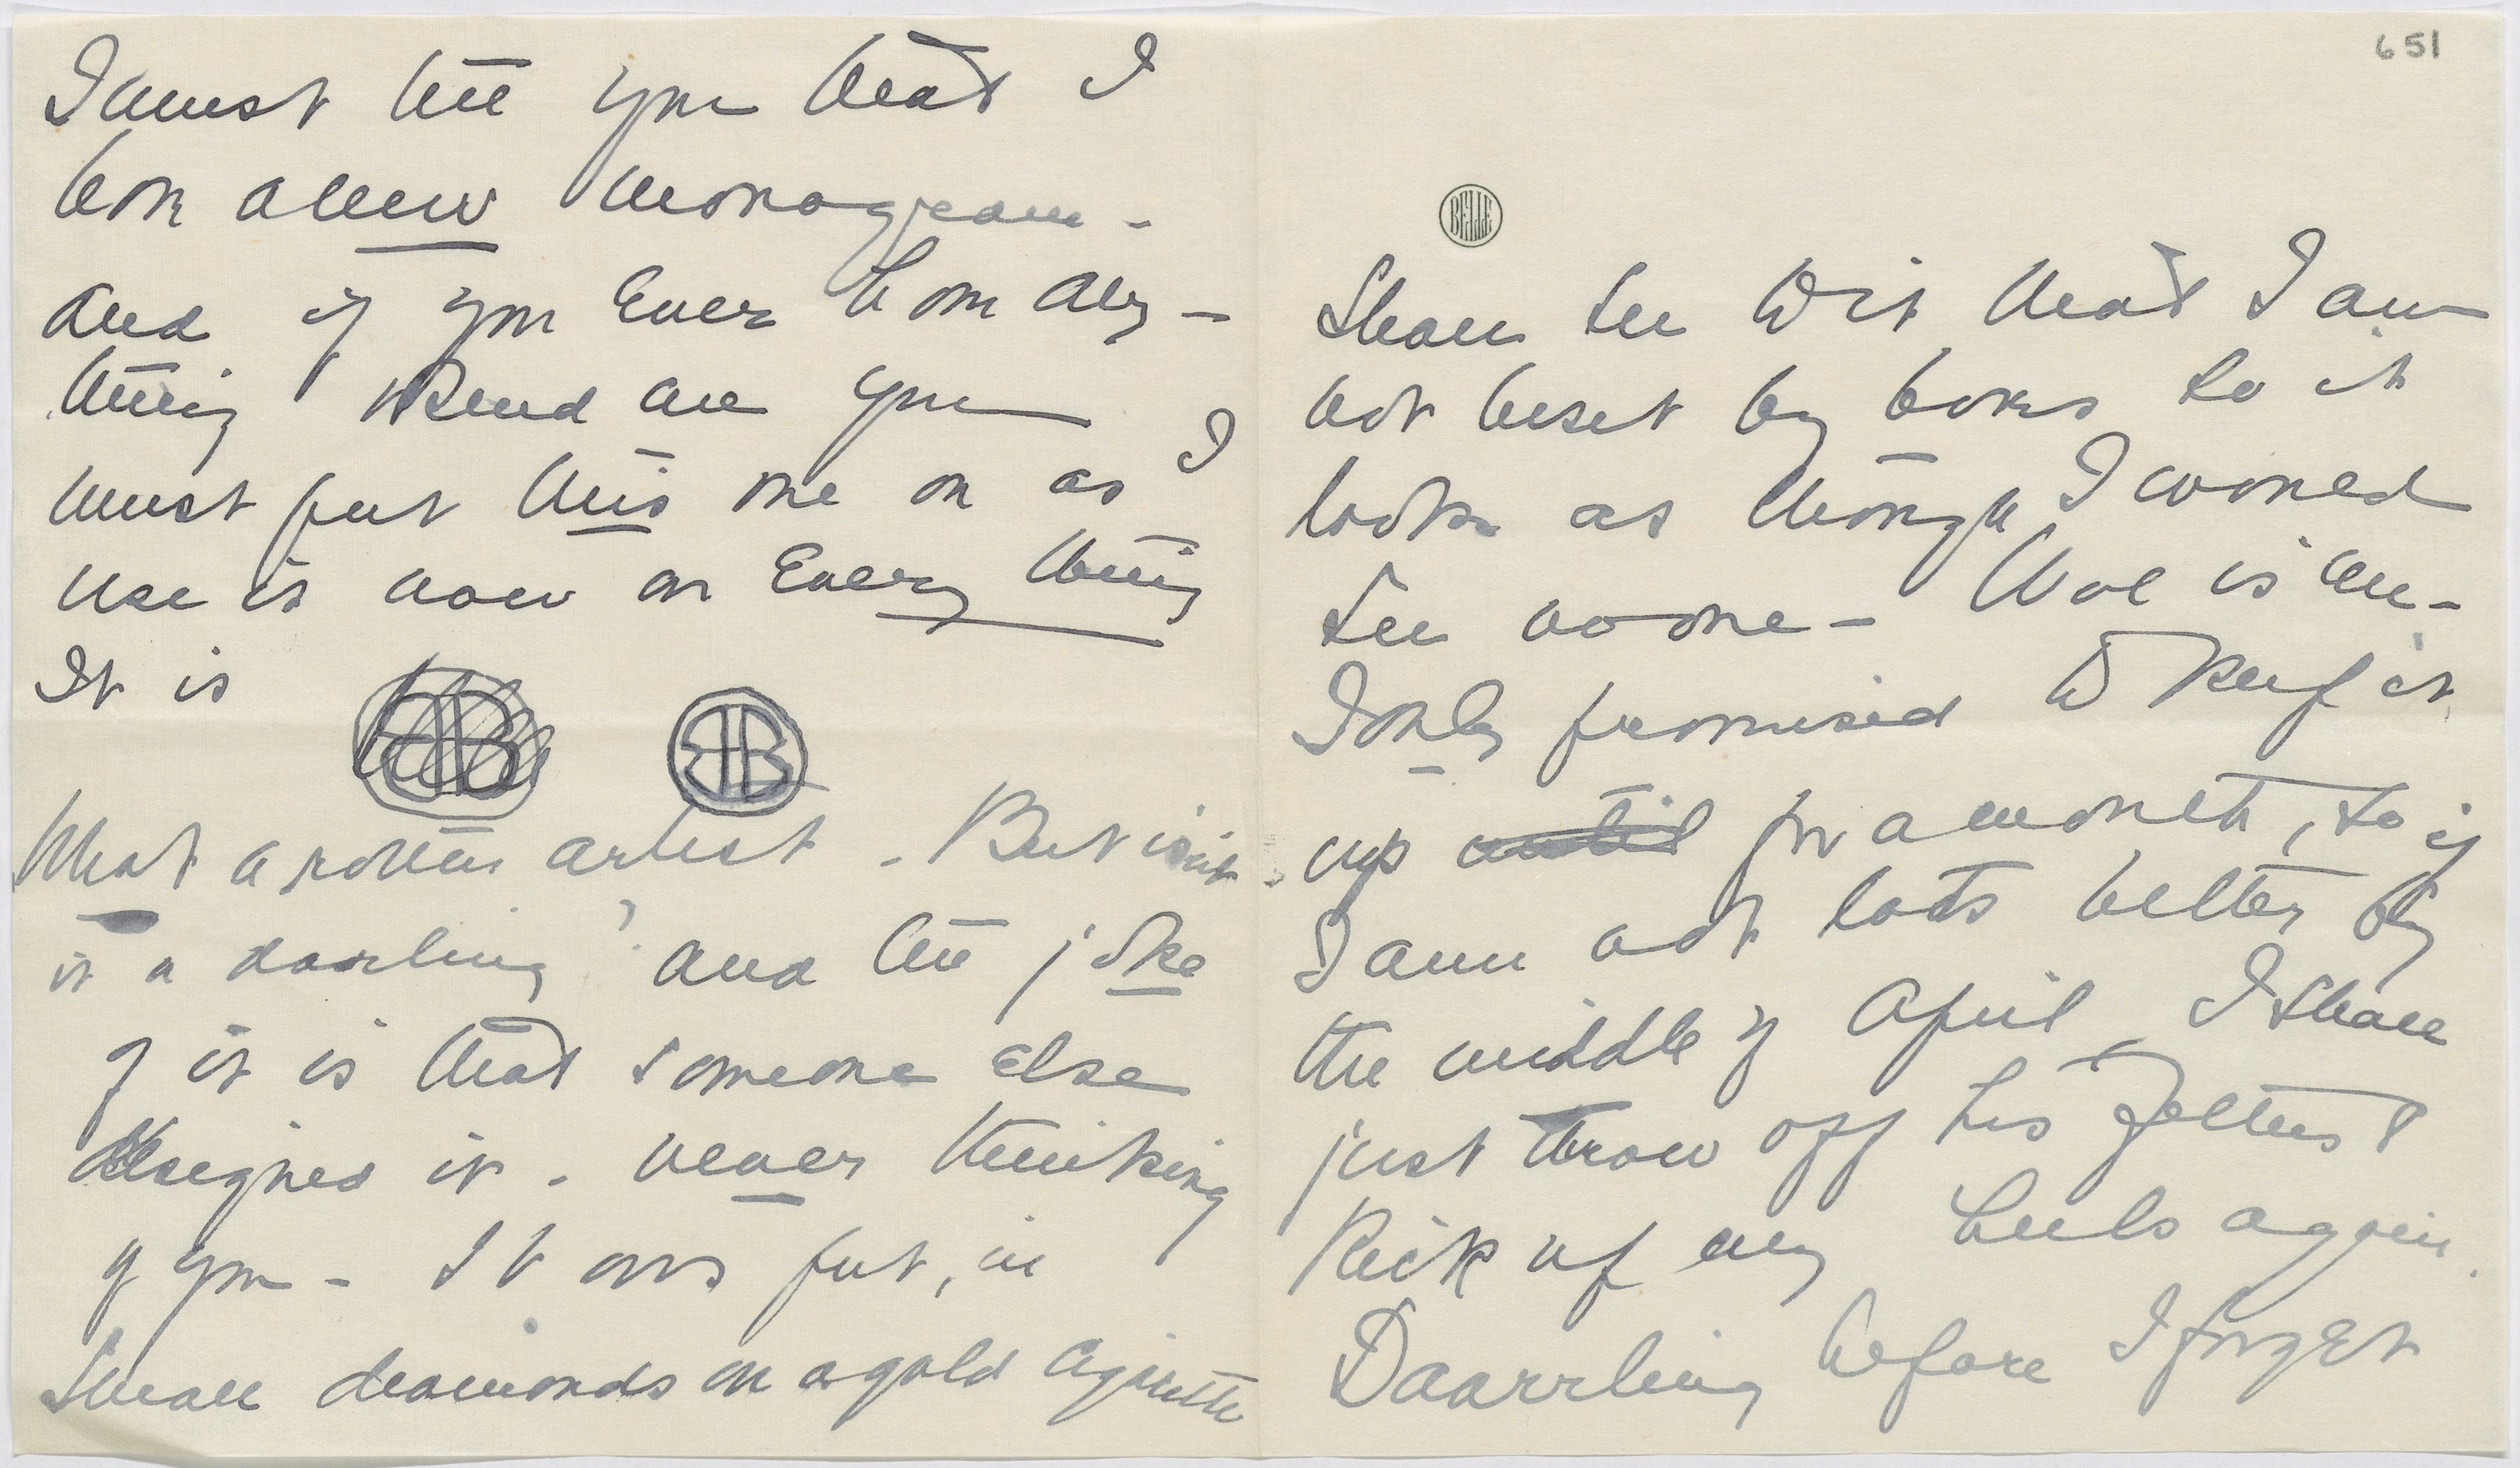shall see to it that I am not beset by bores so it looks as though I would see no one – Woe is me – I only promised to keep it up until for a month, so if I am not lots better by the middle of April, I shall just throw off his fetters & kick up my heels again.
Daarrling before I forget
I must tell you that I have a new monogram – and if you ever have anything to send me you must put this one on as I use it now on every thing It is [crossed out drawing] [drawing of “BB” monogram]
What a rotten artist – But isn’t it a darling? and the joke of it is that someone else designed it – never thinking of you – It was put, in small diamonds on a gold cigarette